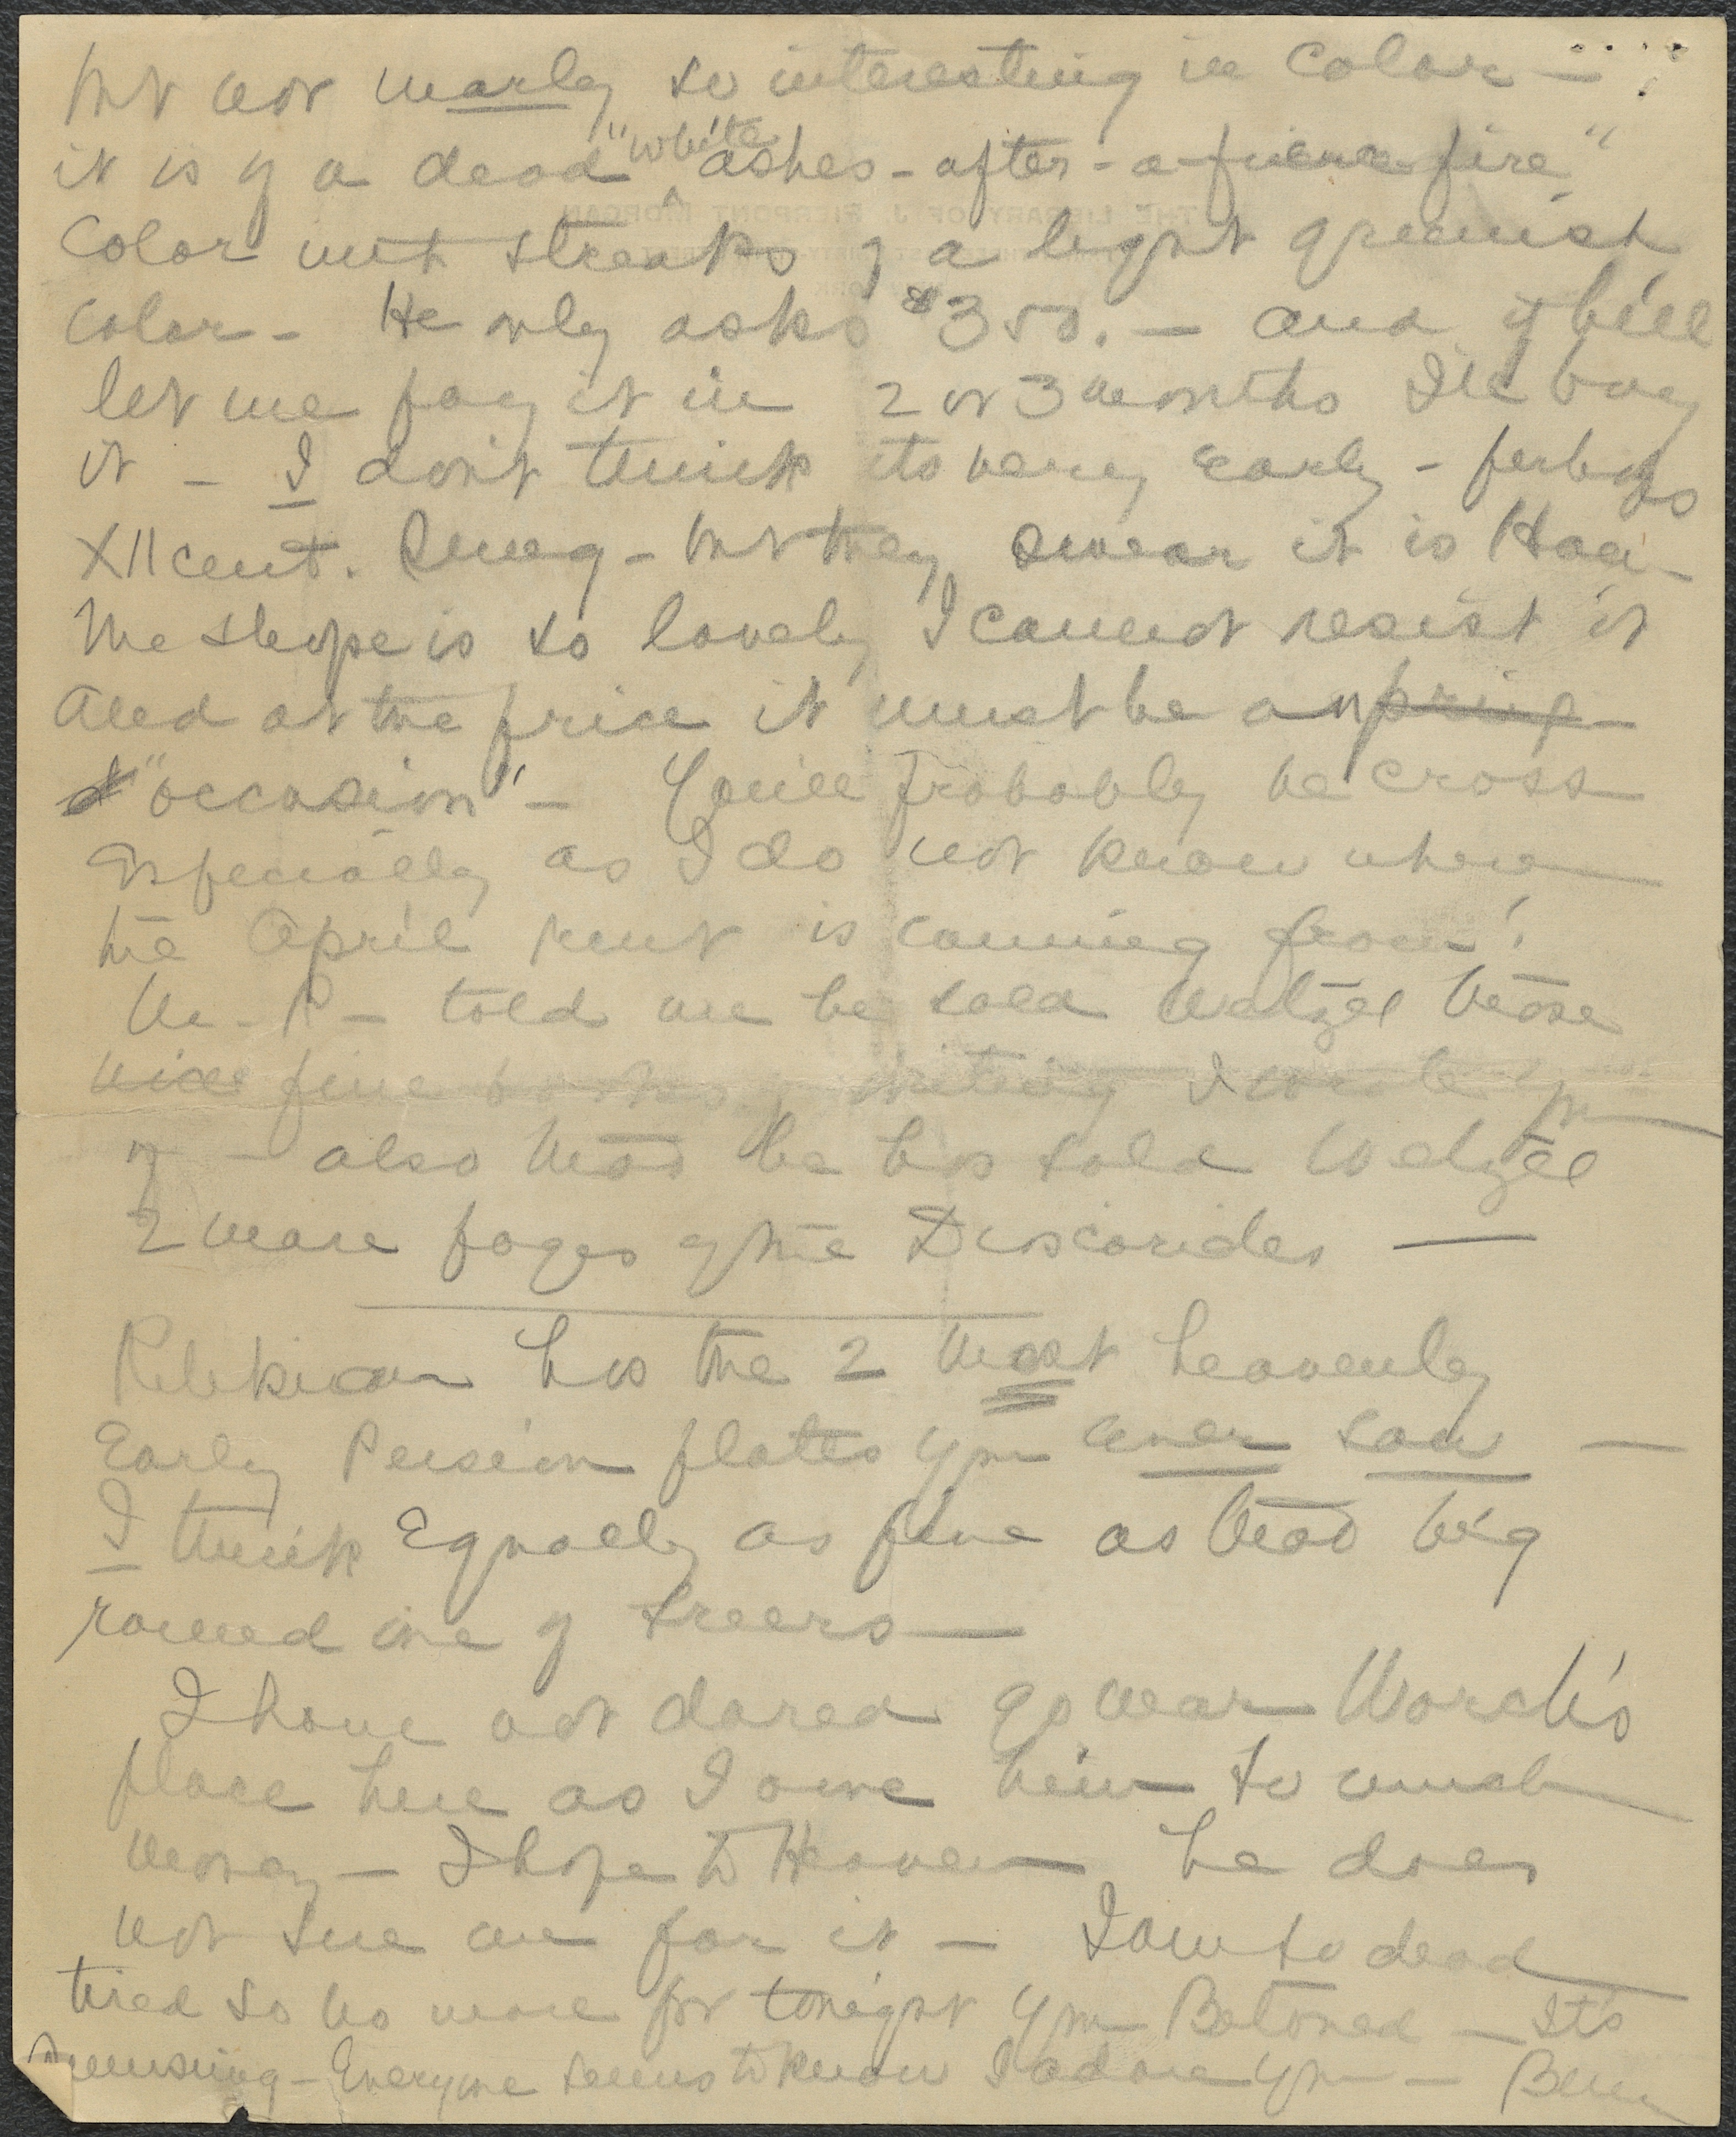but not nearly so interesting in color – it is of a dead [^“white^] ashes-after-a-funeral-fire” color with streaks of a light greenish color – He only asks $350. – and if he’ll let me pay it in 2 or 3 months I’d buy it – I don’t think its [sic] very early – perhaps XII cent. Sung – but they swear it is Han – the shape is so lovely I cannot resist it and at the price it must be an prip [illegible deletion] “occasion” – you’ll probably be cross – especially as I do not know where the April rent is coming from! M.R. told me he sold Wetzel those nice fine books or writing I wrote of – also that he has sold Wetzel 2 more pages of the Dioscorides –
Kelekian has the 2 [triple underlined: most] heavenly early Persian plates you ever saw – I think equally as fine as that big round one of Freers –
I have not dared go near Worch’s place here as I owe him so much money – I hope to Heaven he does not sue me for it – I am so dead tired so no more for tonight you Beloved – It’s amusing– Everyone seems to know I adore you – Belle